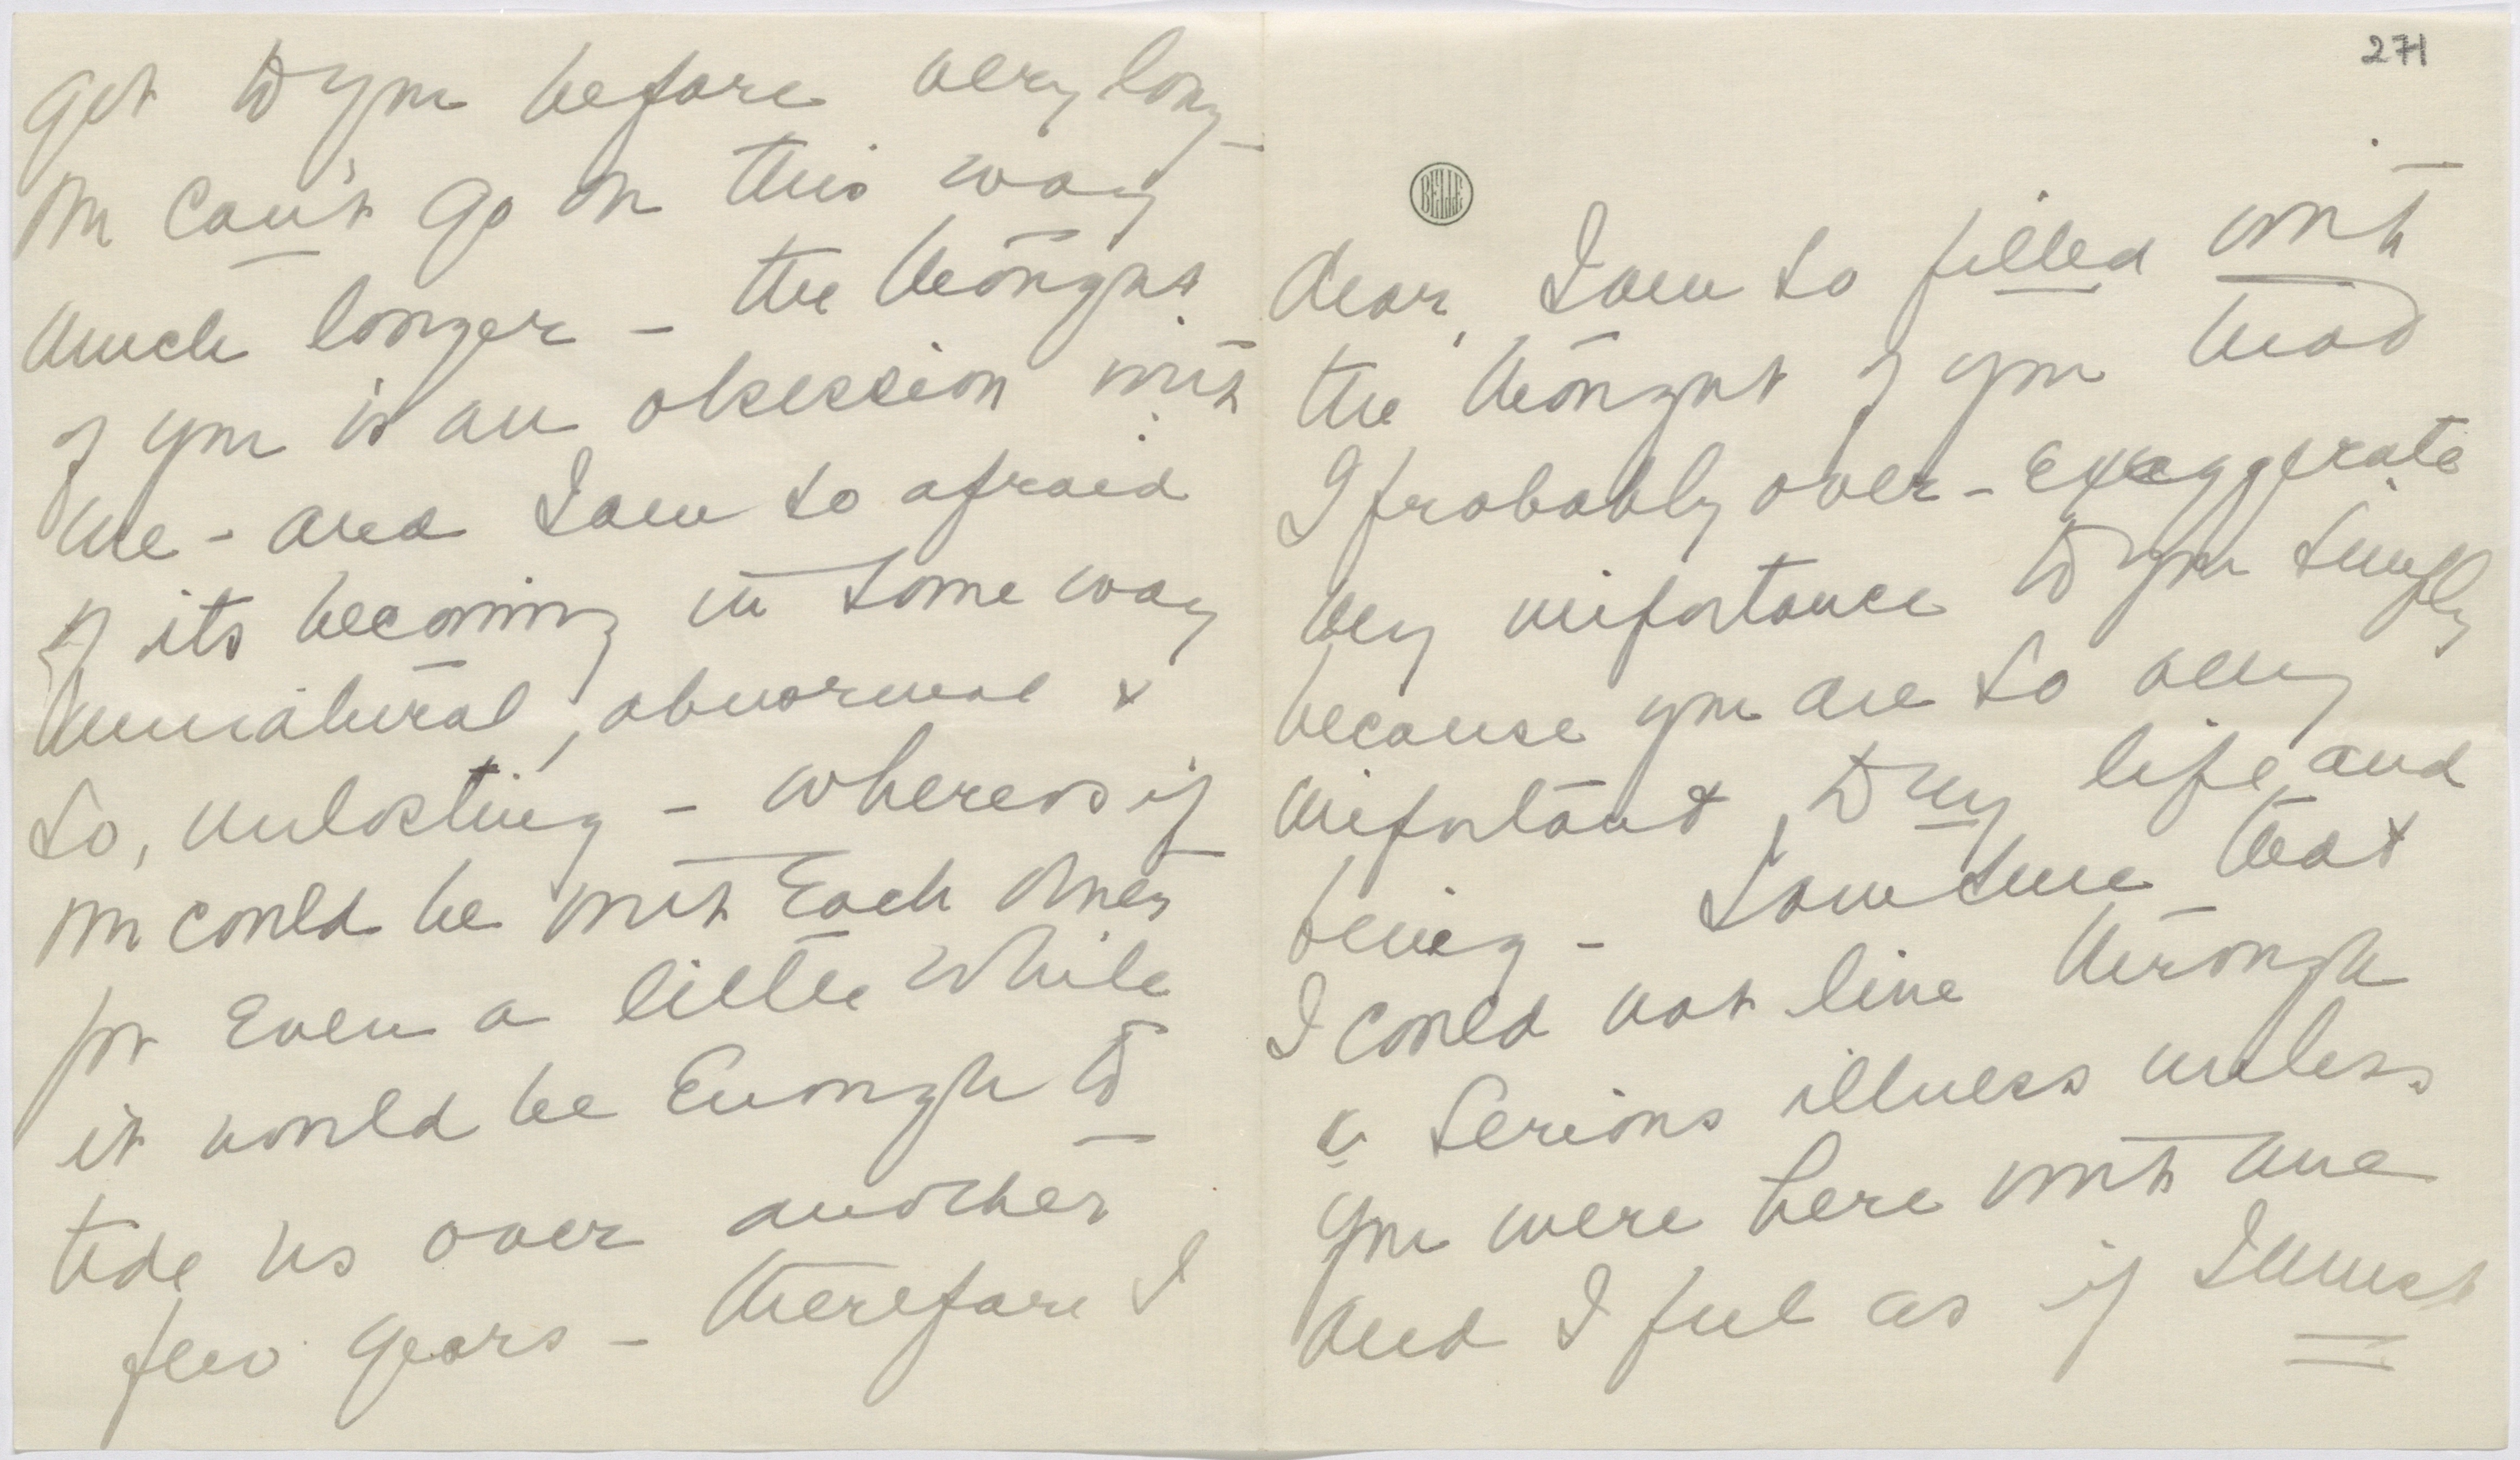dear, I am so filled with the thought of you that I probably over-exaggerate my importance to you simply because you are so very important to my life and being – I am sure that I could not live through a serious illness unless you were here with me and I feel as if I [double underlined: must]
get to you before very long – We can’t go on this way much longer – the thought of you is an obsession with me – and I am so afraid of its becoming in some way unnatural, abnormal & so, unlasting – whereas if we could be with each other for even a little while it would be enough to tide us over another few years – therefore I